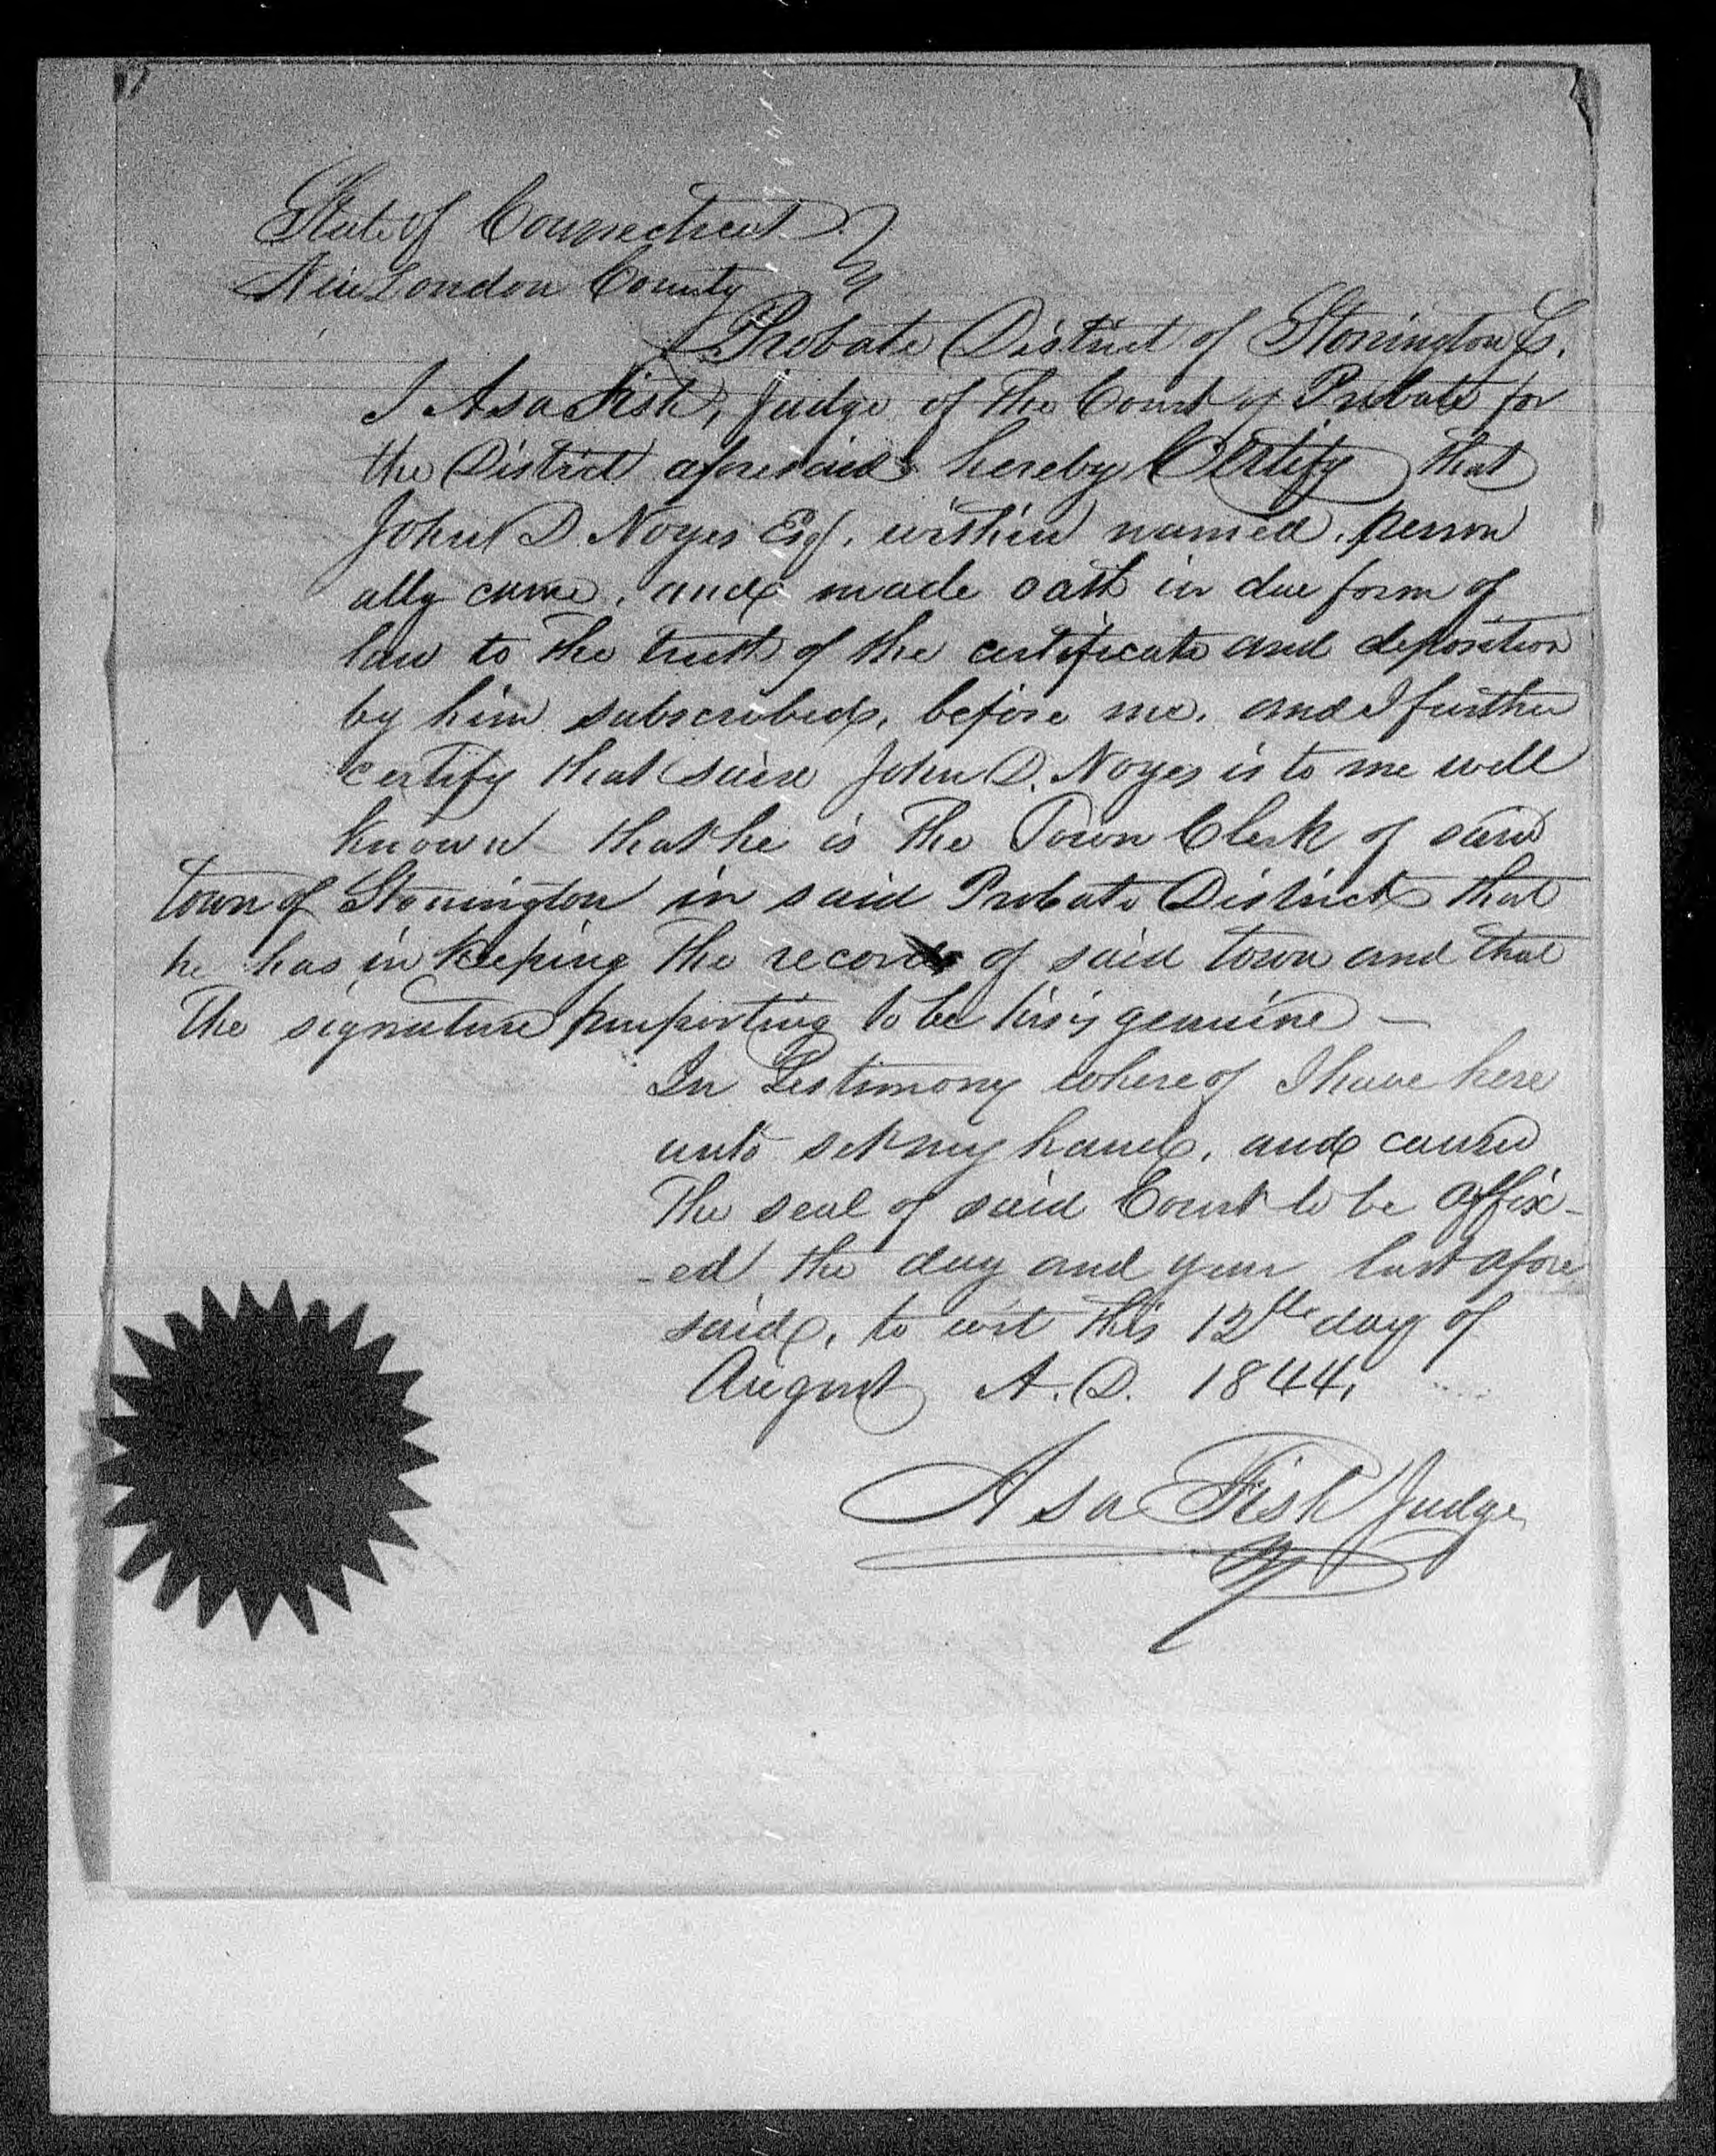State of Connecticut New London County
Probate District of Stonington ss
I Asa Fish, Judge of the Court of Probate for the District aforesaid hereby Certify that John D Noyes Esq, within named personally came, and made oath in due form of law to the truth of the certificate and deposition by him subscribed, before me, and I further certify that said John D. Noyes is to me well known & that he is the Town Clerk of said of Stonington in said Probate District, that he has in keeping the records of said town and that the signature purporting to be his is genuine —
In Testimony whereof I have here unto set my hand, and caused the seal of said Court to be affixed the day and year last aforesaid, to wit this 12th day of August A.D. 1844,
Asa Fish Judge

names: John D Noyes, John D Noyes, Asa Fish, Asa Fish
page: 16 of 60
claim: widow's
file: W. 19,537, Thomas Griffin, Conn.